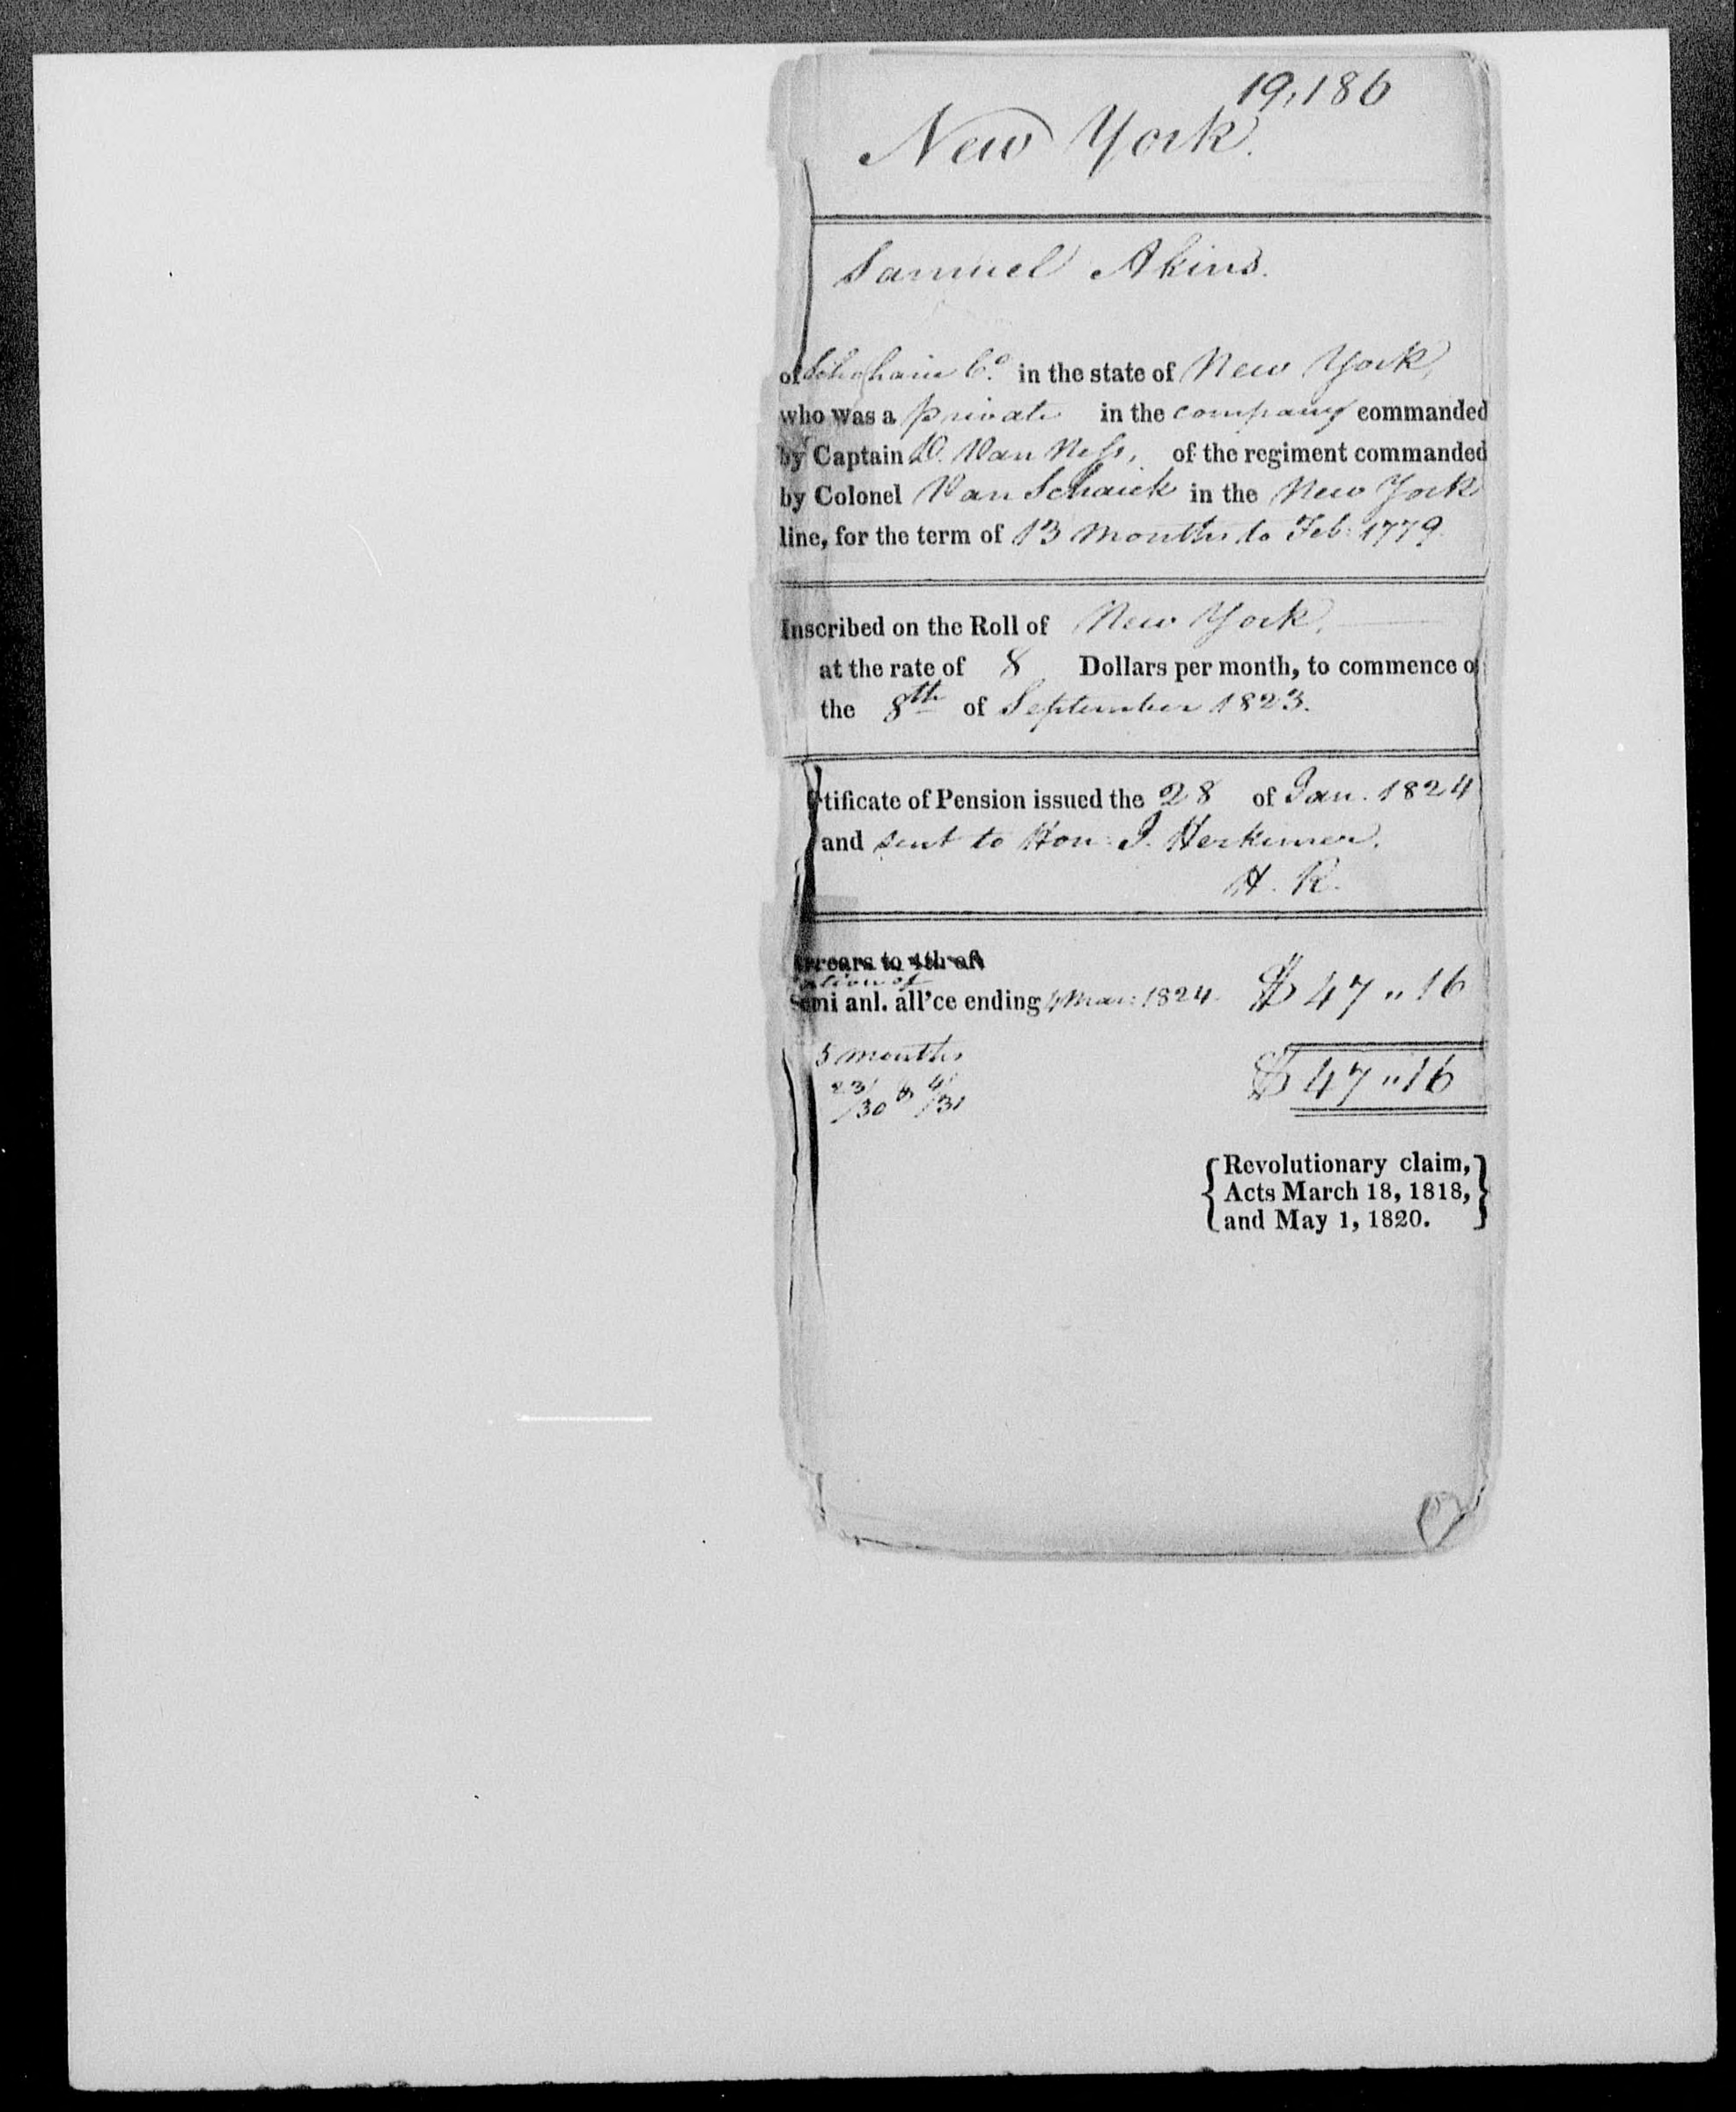[handwritten]
19,186
New York 
Samuel Akins. [end handwritten]
of [handwritten] Schoharie Co [end handwritten] in the state of [handwritten] New York [end handwritten] 
who was a [handwritten] Private [end handwritten] in the [handwritten] company [end handwritten] commanded by 
Captain [handwritten] D. Van Ness, [end handwritten] of the regiment commanded
Colonel [handwritten] Dan Schaick [end handwritten] in the [handwritten] New York [end handwritten] 
line, for the term of [handwritten] 13 months to Feb. 1779 [end handwritten] 
Inscribed on the Roll of [handwritten] New York [end handwritten] 
at the rate of [handwritten] 8 [end handwritten] Dollars per month, to commence o[torn paper] 
the [handwritten] 8th [end handwritten] of [handwritten] September 1823. [end handwritten] 
tificate [certificate] of Pension issued the [handwritten] 28 [end handwritten] of [handwritten] Jan. 1824 [end handwritten] 
and [handwritten] sent to Hon I. Herkimer.
H. R. [end handwritten] 
[rears to 11th of crossed out]
Semi anl. all'ce ending [handwritten] 4 Mar 1824 $47 " 16
5 months
23/30 & 4/31
$47 " 16 [end handwritten]
[bracket] Revolutionary claim,
Acts March 18, 1818,
and May 1, 1820. [bracket]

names: Dan Schaick, Samuel Akins, J Herkimer, D Van Ness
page: 2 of 9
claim: survivor's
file: S. 45181, Samuel Akins, New York